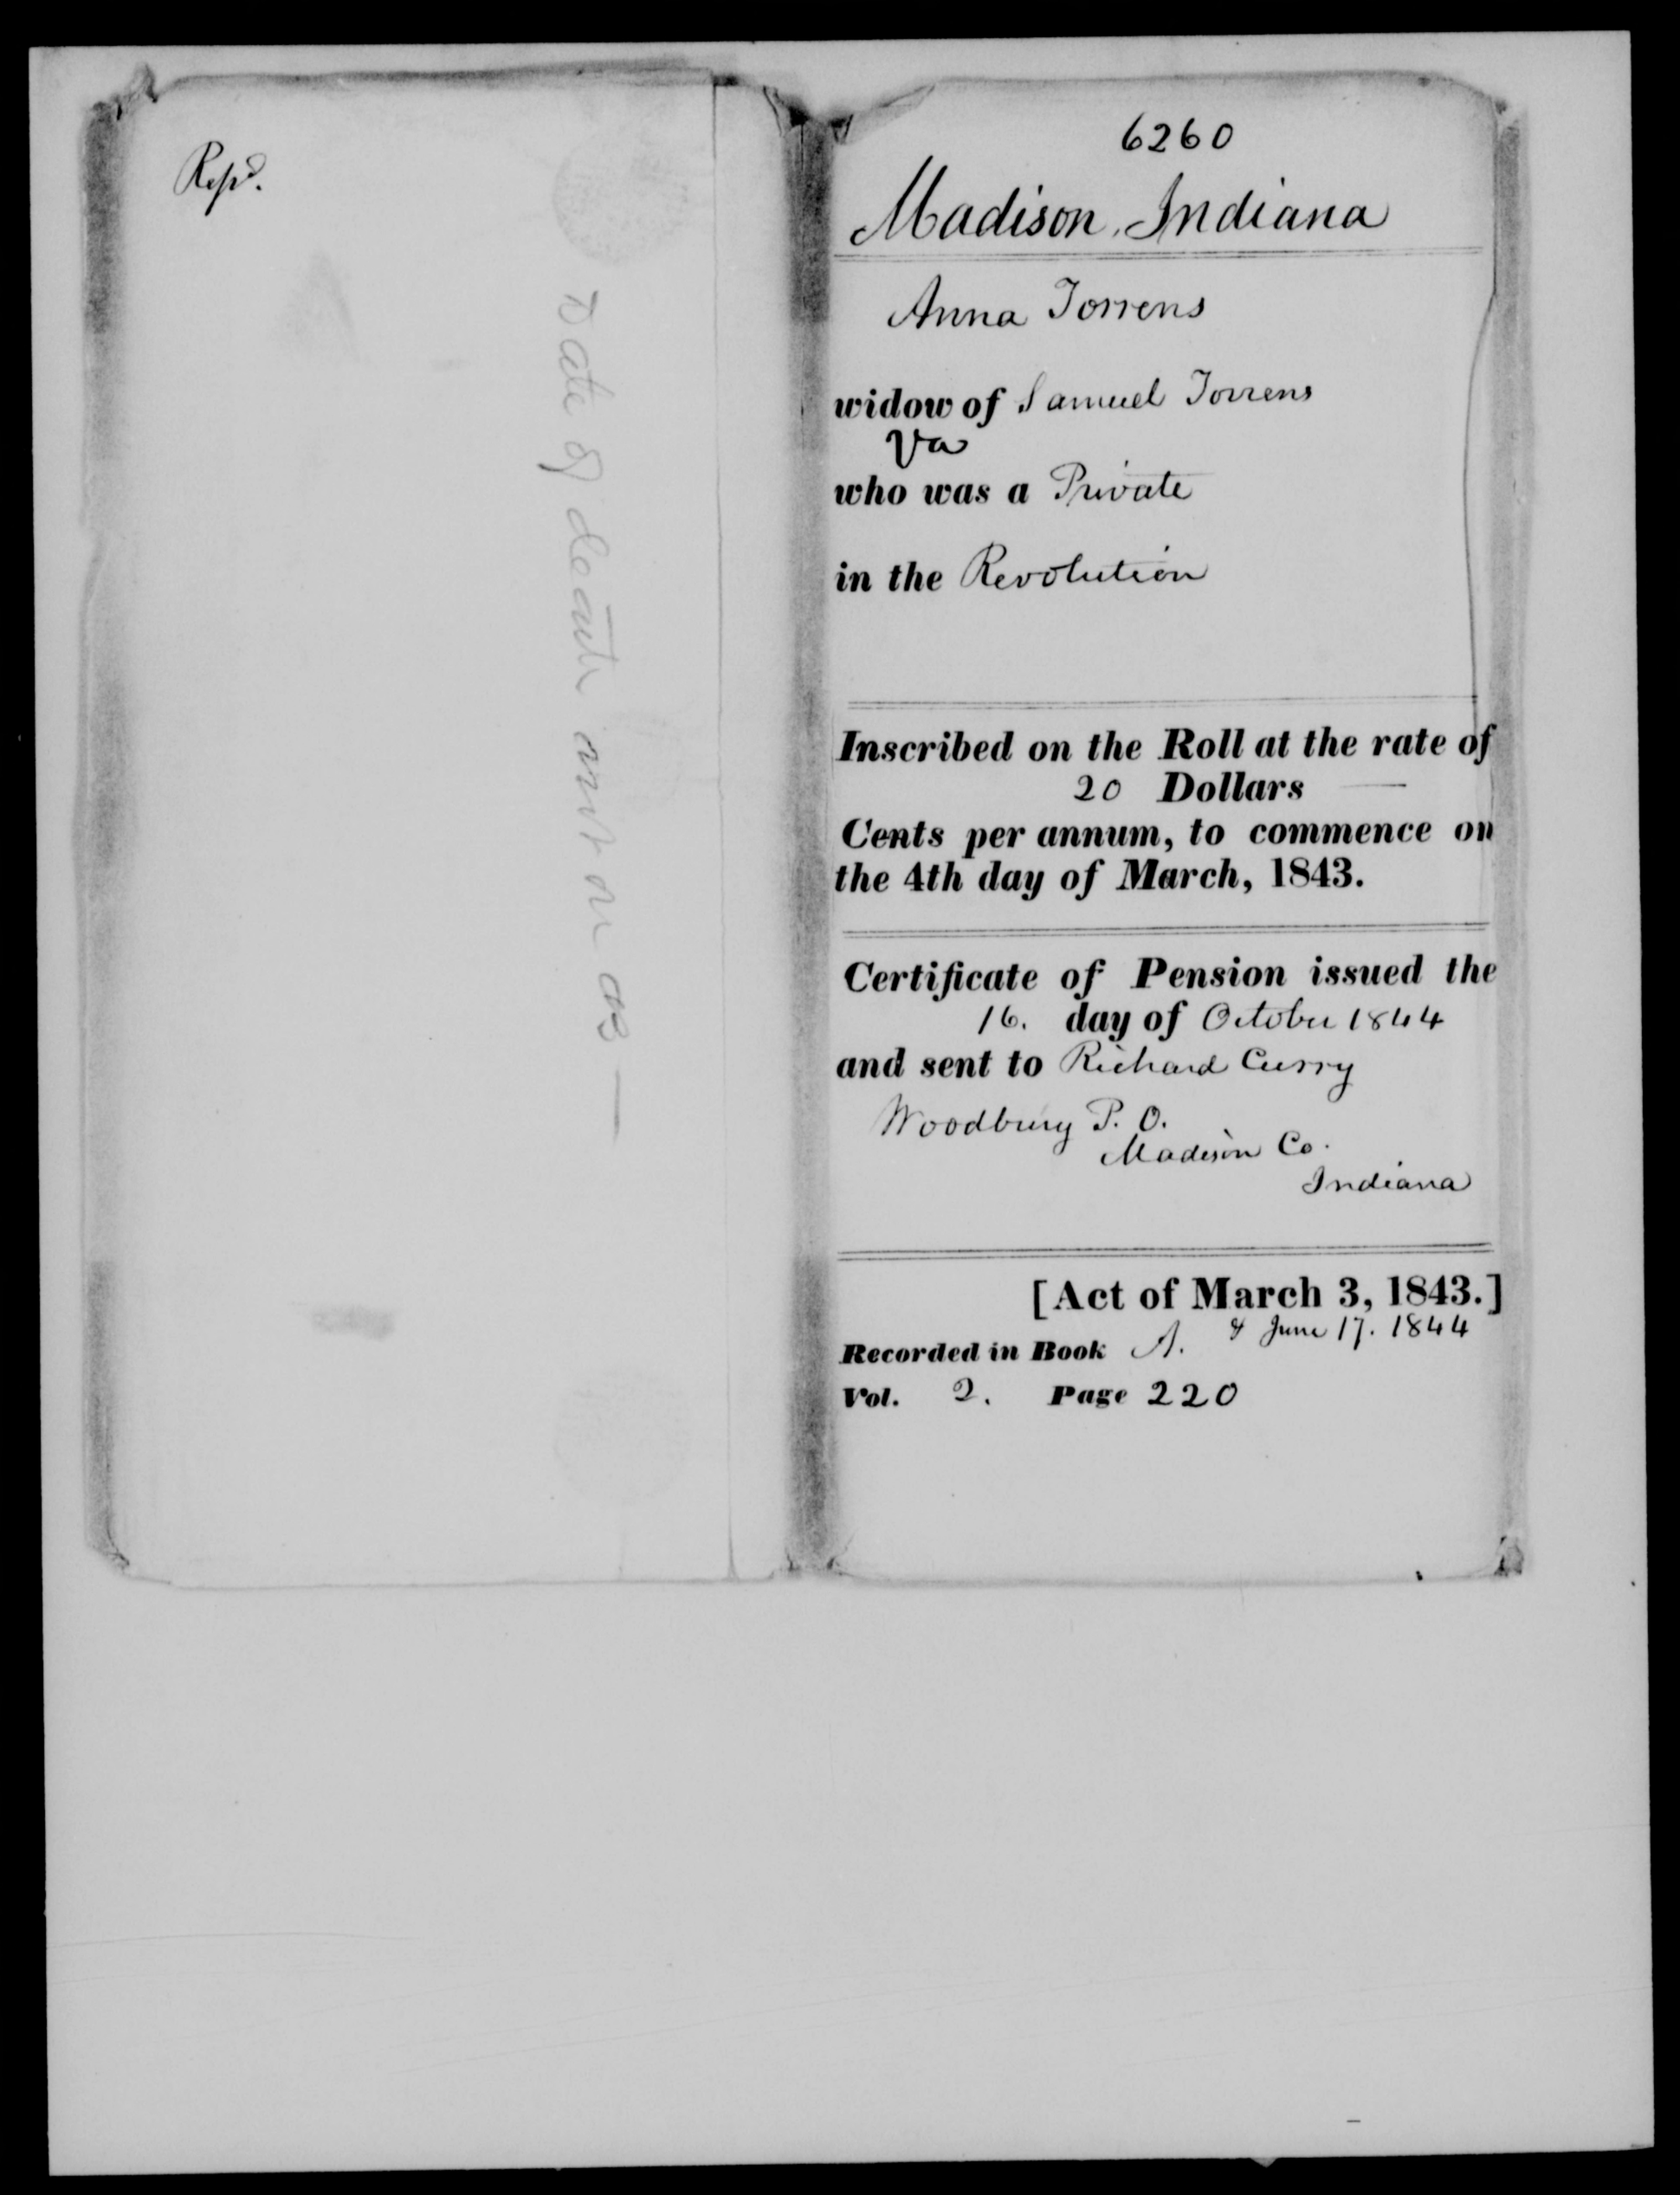Repd.
Date of death not on AB-
6260
Madison Indiana
Anna Torrens
widow of Samuel Torrens
Va
who was a Private
in the Revolution
Inscribed on the Roll at the rate of 20 Dollars - Cents per annum, to commence on the 4th day of March, 1843.
Certificate of Pension issued the 16. day of October 1844
and sent to Richard Curry
Woodbury P.O.
Madison Co.
Indiana
Act of March 3, 1843.
Recorded in Book A. & June 17. 1844
Vol. 2. Page 220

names: Richard Curry, Anna Torrens, Samuel Torrens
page: 4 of 27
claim: widow's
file: W. 9860, Samuel Torrons, Va.